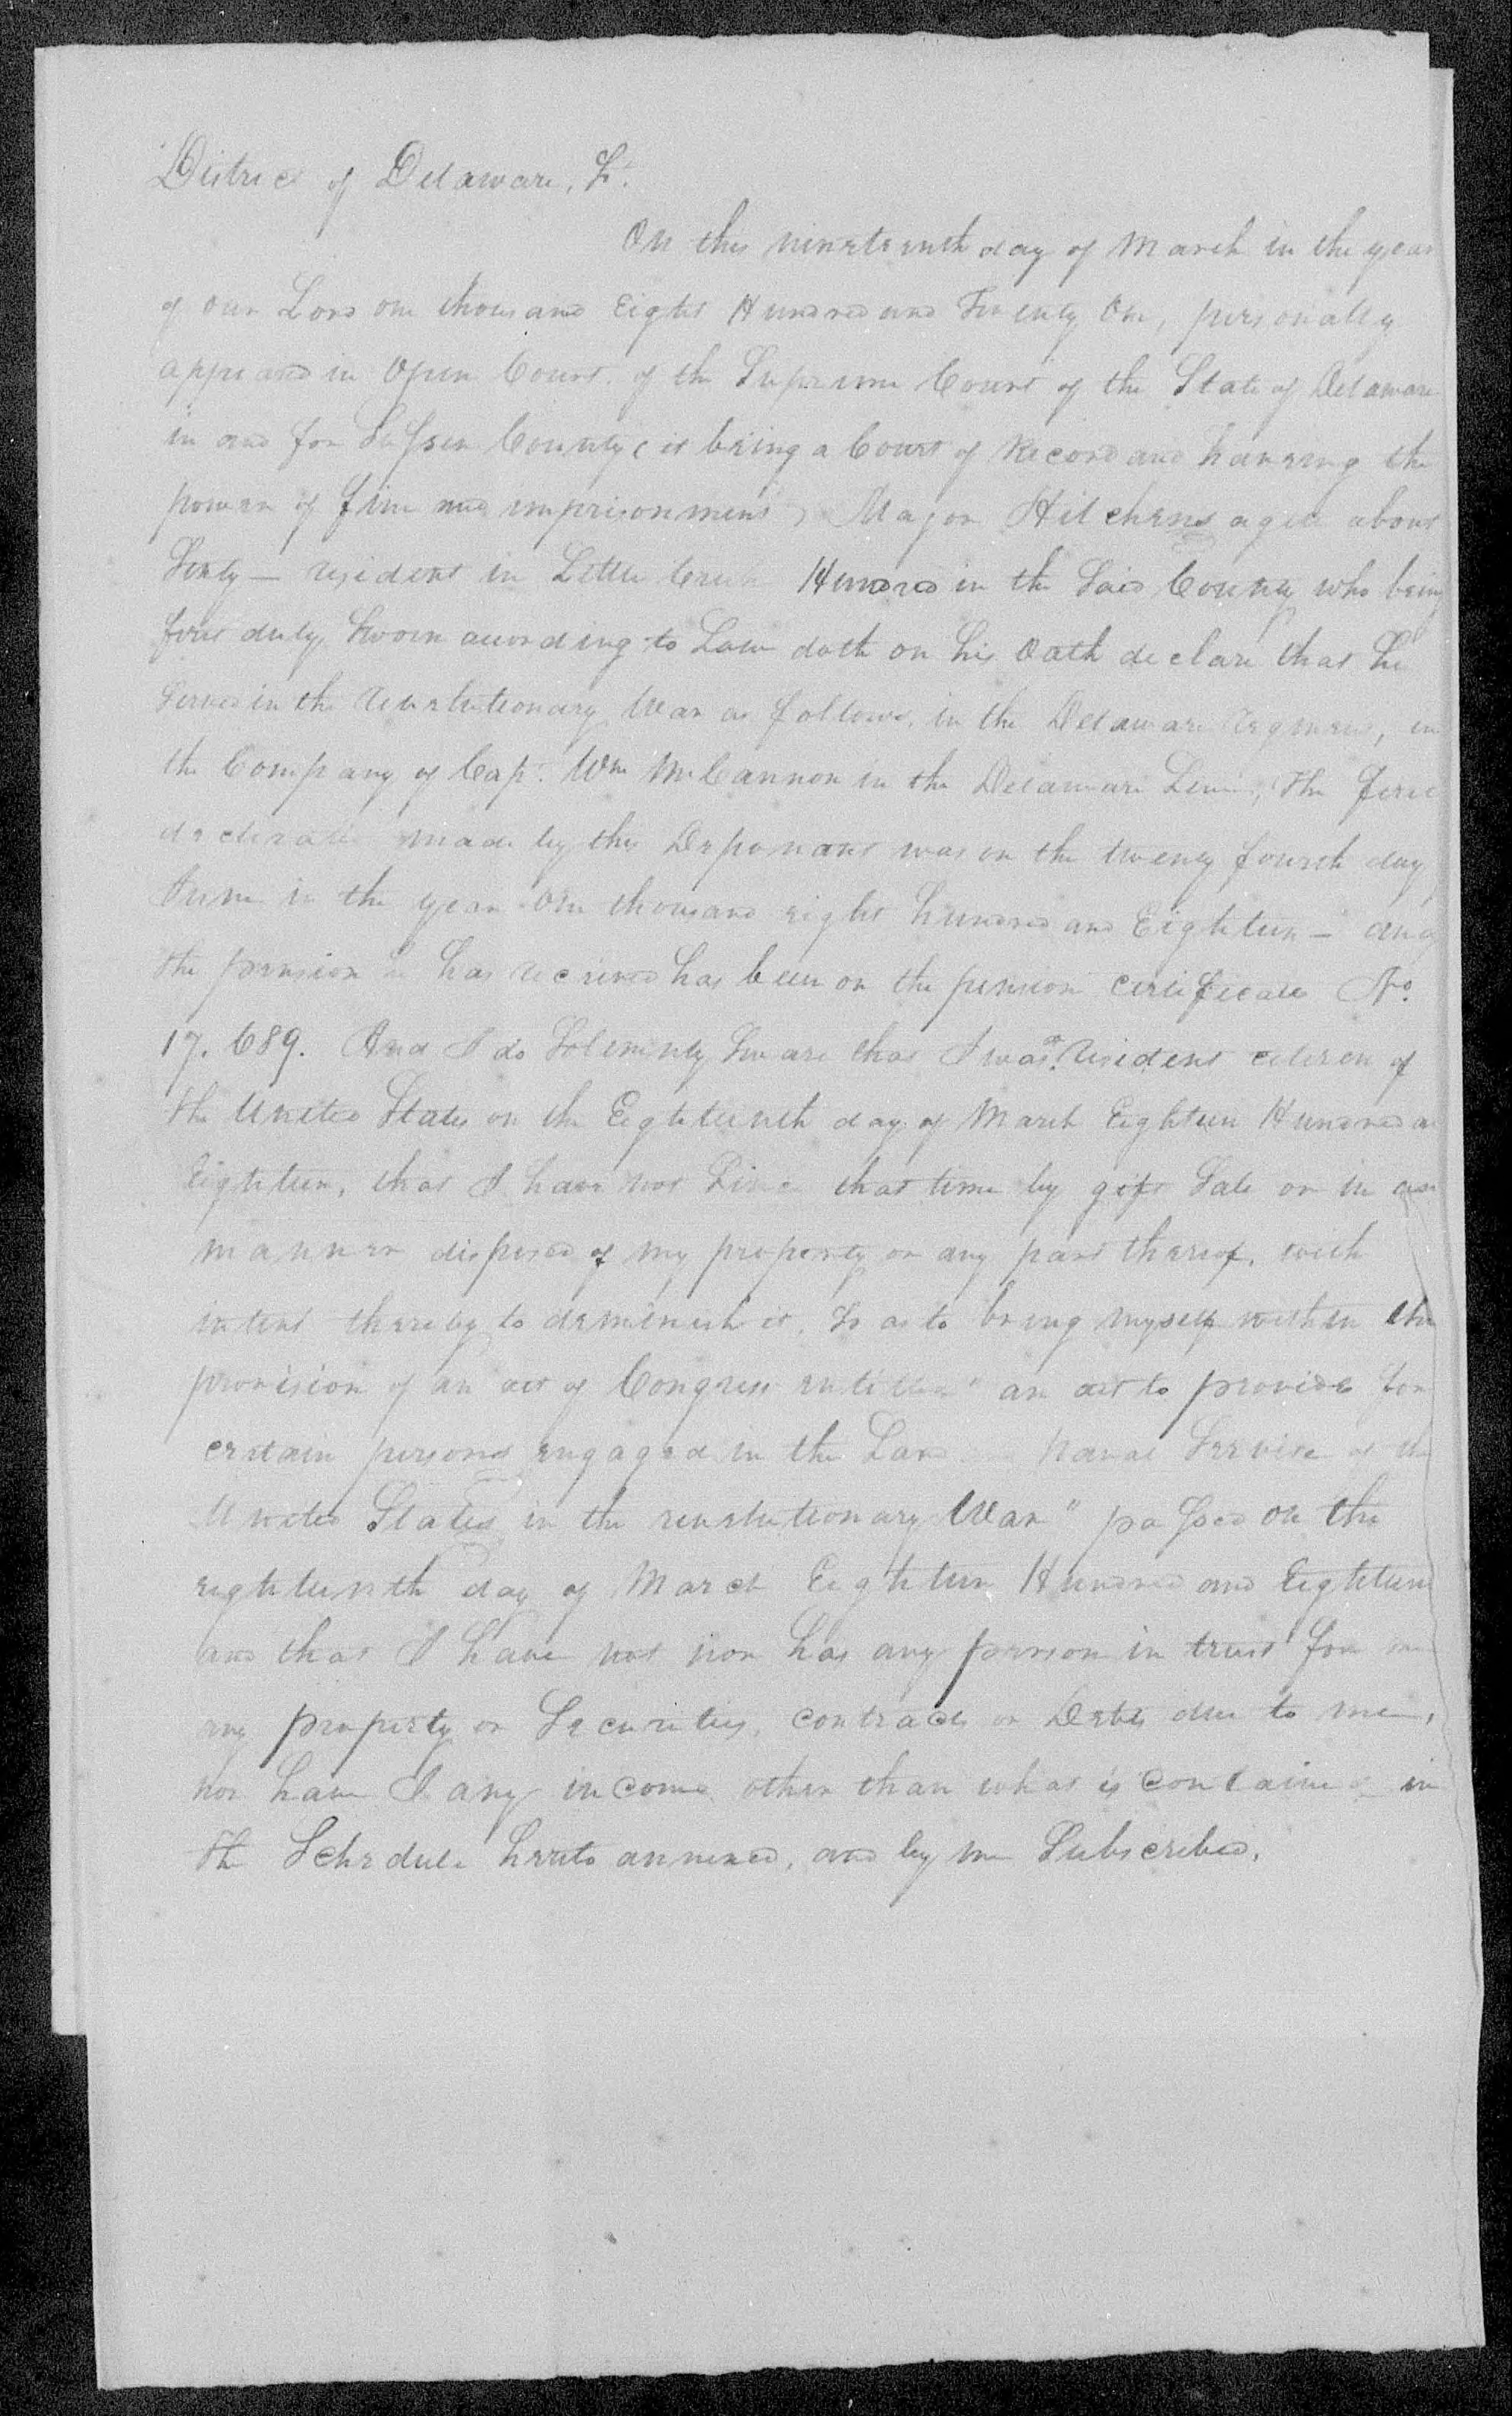District of Delaware

On this nineteenth day of March in the year of our Lord one thousand eight hundred and Twenty One, personally appeared in open court of the Supreme Court of the State of Delaware  in and for Sussex County, it being a court of record and having the power of fine and imprisonment, Major Hitchens, aged about Sixty – resident in Little Creek Hundred in the said county who being first duly sworn according to law doth on his oath declare that he served in the Revolutionary War as follows, in the Delaware Regiment, in the company of Capt. McCannon in the Delaware line, the first declaration made by the deponent was on the twenty fourth day to me in the year one thousand eight hundred and eighteen  - and the pension he has received has been on the pension certificate No. 17.689. And I do solemnly swear that I was a resident citizen of the United States on the eighteenth day of March eight hundred eighteen, that I have not [illegible] that time by gift sale or in any manner dispensed of my property or any part thereof, with intent thereby to diminish it, so as to bring myself within the provision of an act of Congress entitled “ an act to provide for certain persons engaged in the Land and Naval Service of the United States in the Revolutionary War” passed on the eighteenth day of March eighteen hundred and eighteen and that I have not nor has any person in trust for me my property or security, contracts in debts owe to men, nor have I any income other than what is contained in the schedule hereto annexed, and by me subscribed.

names: Wm Mc Cannon, Major Hitchens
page: 13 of 21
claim: survivor's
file: S. 36017, Major Hitchens, Del.